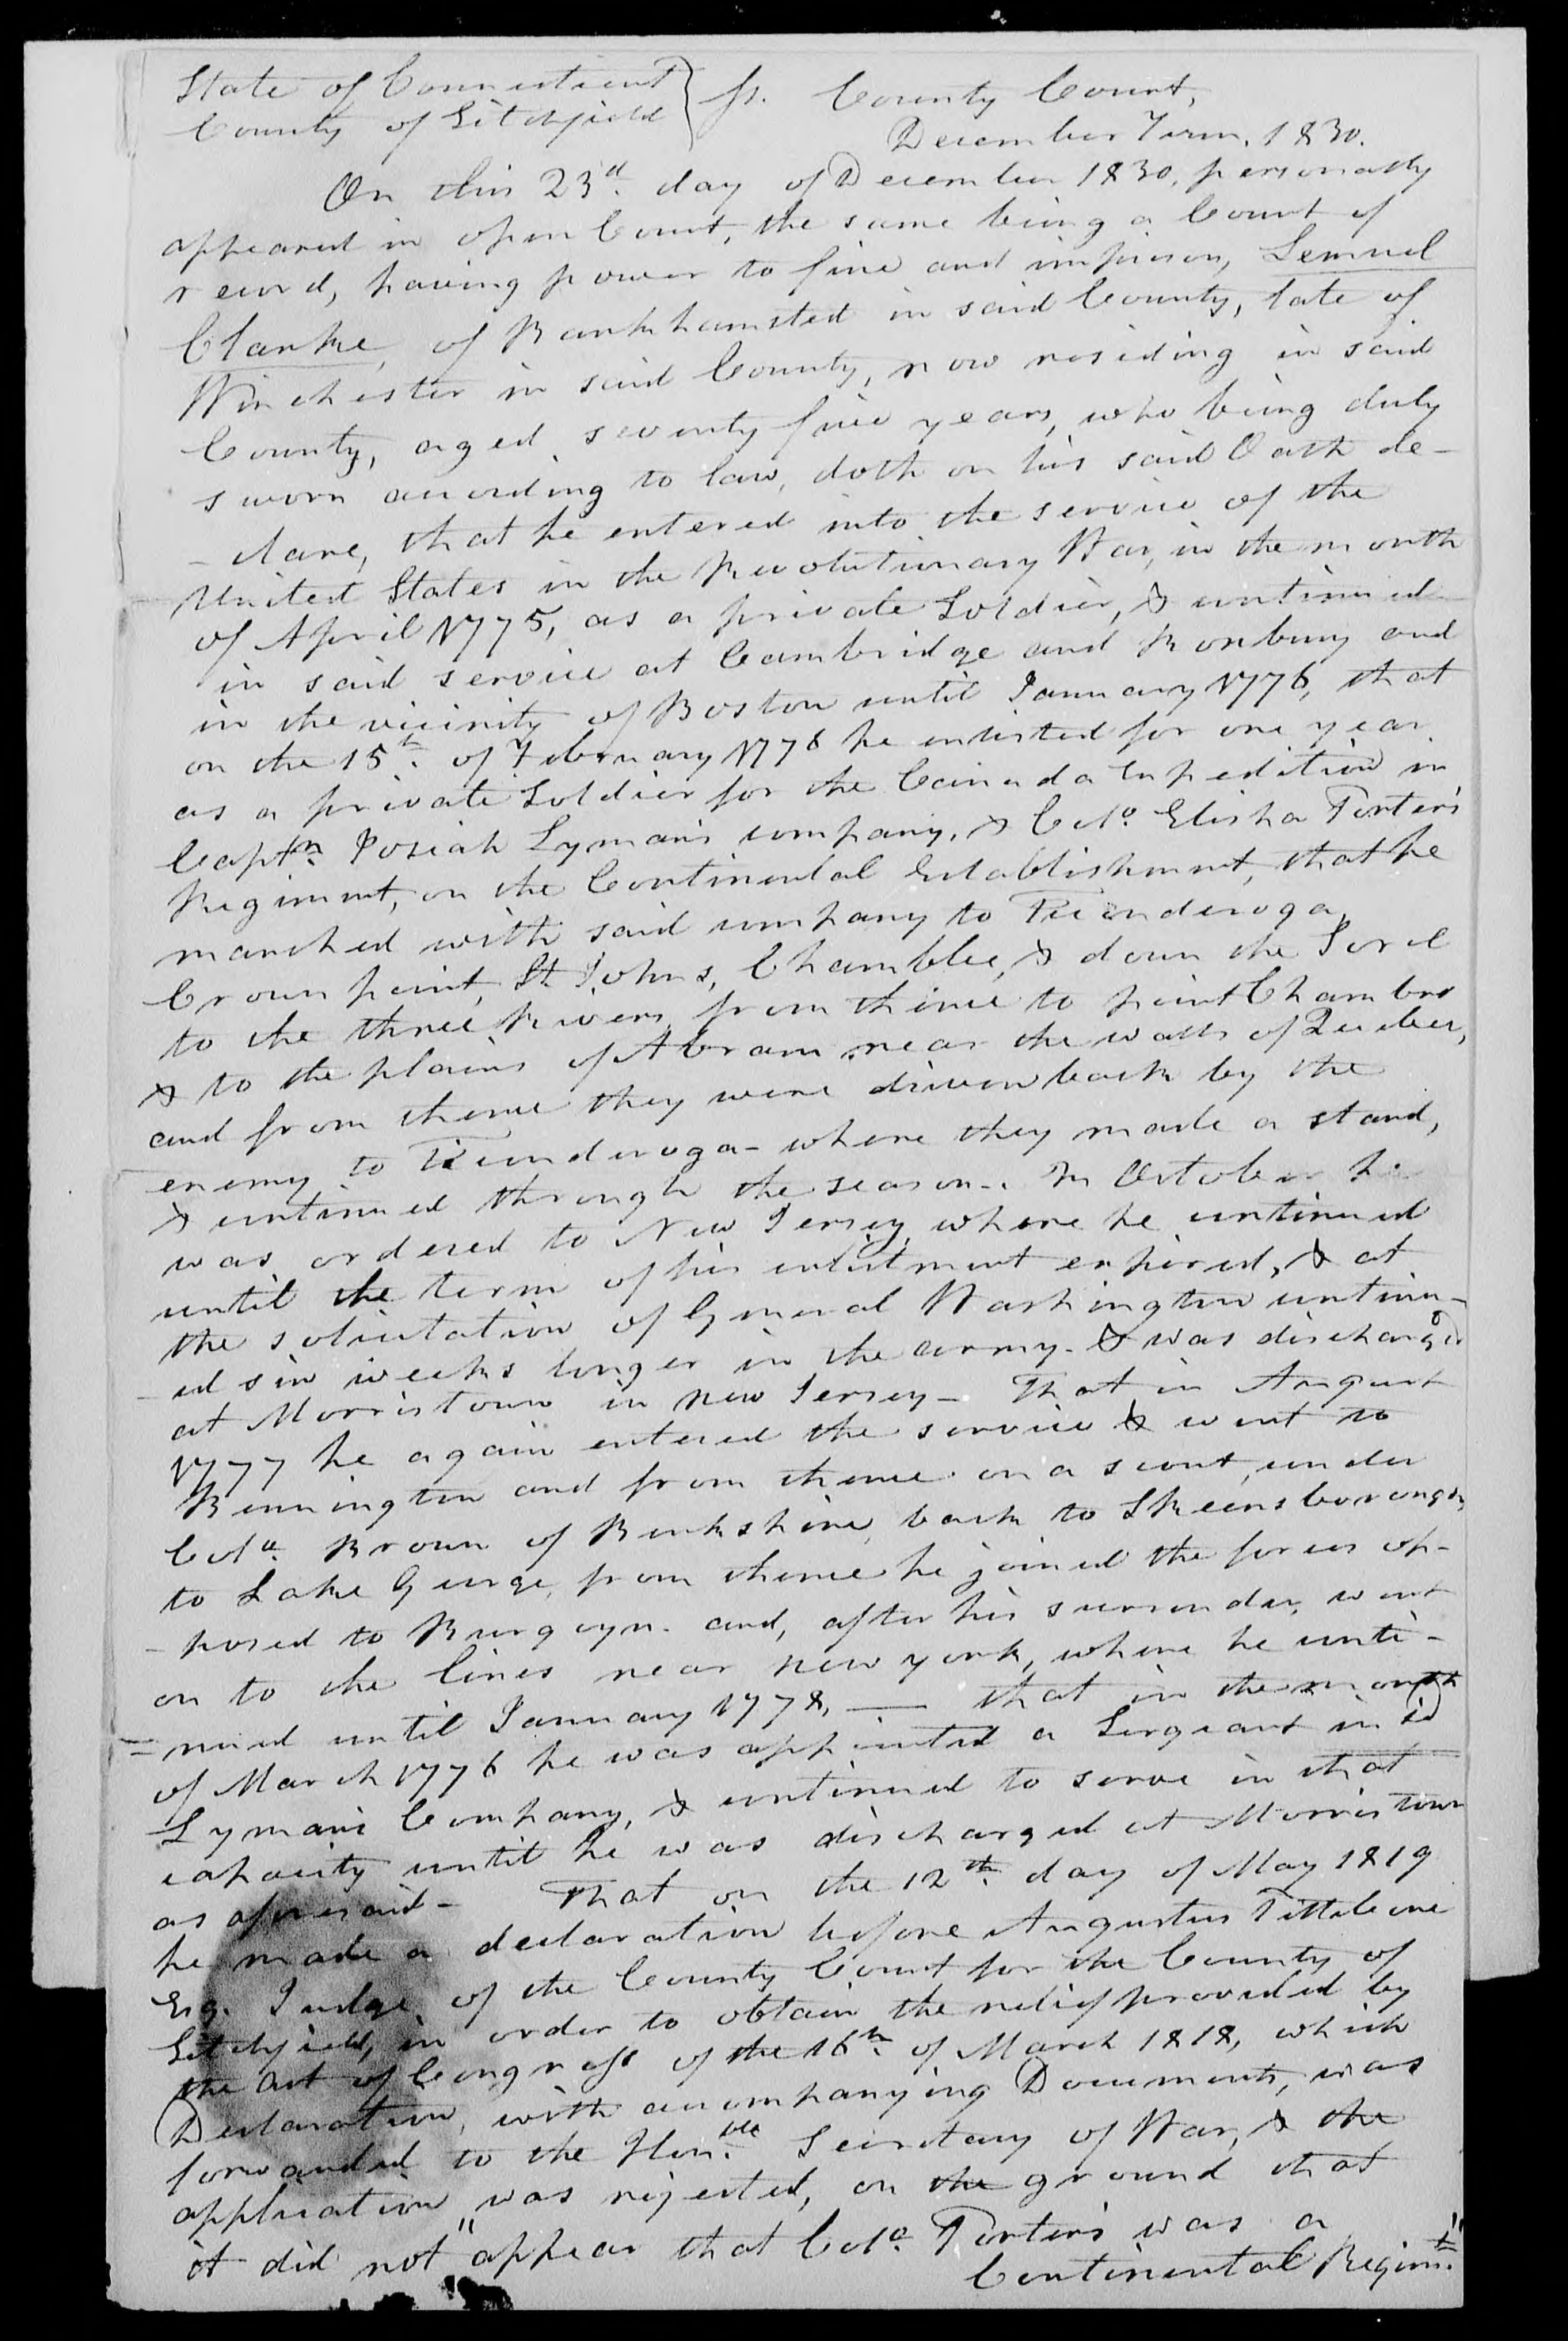State of Connecticut 
County of Litchfield ss 
County Court, December Term, 1830. 

On this 23d day of December 1830, personally appeared in open Court, the same being a Court of record, having power to fine and imprison, Lemuel Clarke of Barkhamsted in said County, late of Winchester in said County, now residing in said County, aged seventy five years, who being duly sworn according to law, doth on his said oath declare , that he entered into the service of the United States in the Revolutionary War, in the month of April 1775, as a private soldier, & continued in said service at Cambridge and Roxbury and in the vicinity of Boston until January 1776, that on the 15th of February 1778 he enlisted for one year as a private soldier for the Canada expedition in Capt Josiah Lyman's company & Col. Elisha Porter Regiment, in the Continental establishment, that he marched with said company to Ticonderoga, Crown point, St Johns Chamblee & down the ford to the three rivers from thence to point Chambre & to the plains of Abram near the walls of Quebec and from them they were driven back by the enemy to Ticonderoga where they made a stand, & continued through the season. In October he was ordered to New Jersey where he continued until the term of his enlistment expired, & at the solicitation of General Washington continued six weeks longer in the army. & was discharged at Morristown in New Jersey. That in August he again entered the service & went to Bennington and from thence on a scout under Col Brown of Berkshire back to Spreesborough to Lake George from thence he joined the forces exposed to Burgoyn. and after his surrender went in to the lines near New York, where he continued until January 1778, - that in the month of March 1776 he was appointed a sergeant in Lyman Company, & continued to serve in that capacity until he was discharged at Morristown as aforesaid. that on the 12th day of May 1819 he made a declaration before Augustus Pettibone Esq the judge of the County Court for the County of Litchfield in order to obtain the relief provided by the Act of Congress of the 16th of March 1818, which Declaration, with accompanying documents, was forwarded to the Hon Secretary of War, & the application was rejected, on the ground that it did not appear that Col Porter's was a Continental Regiment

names: Burgoyn, Lemuel Clarke, Abram, Brown, Porters, Washington, Augustus Pettibone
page: 3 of 48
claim: survivor's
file: S. 17343, Lemuel Clarke, Mass.